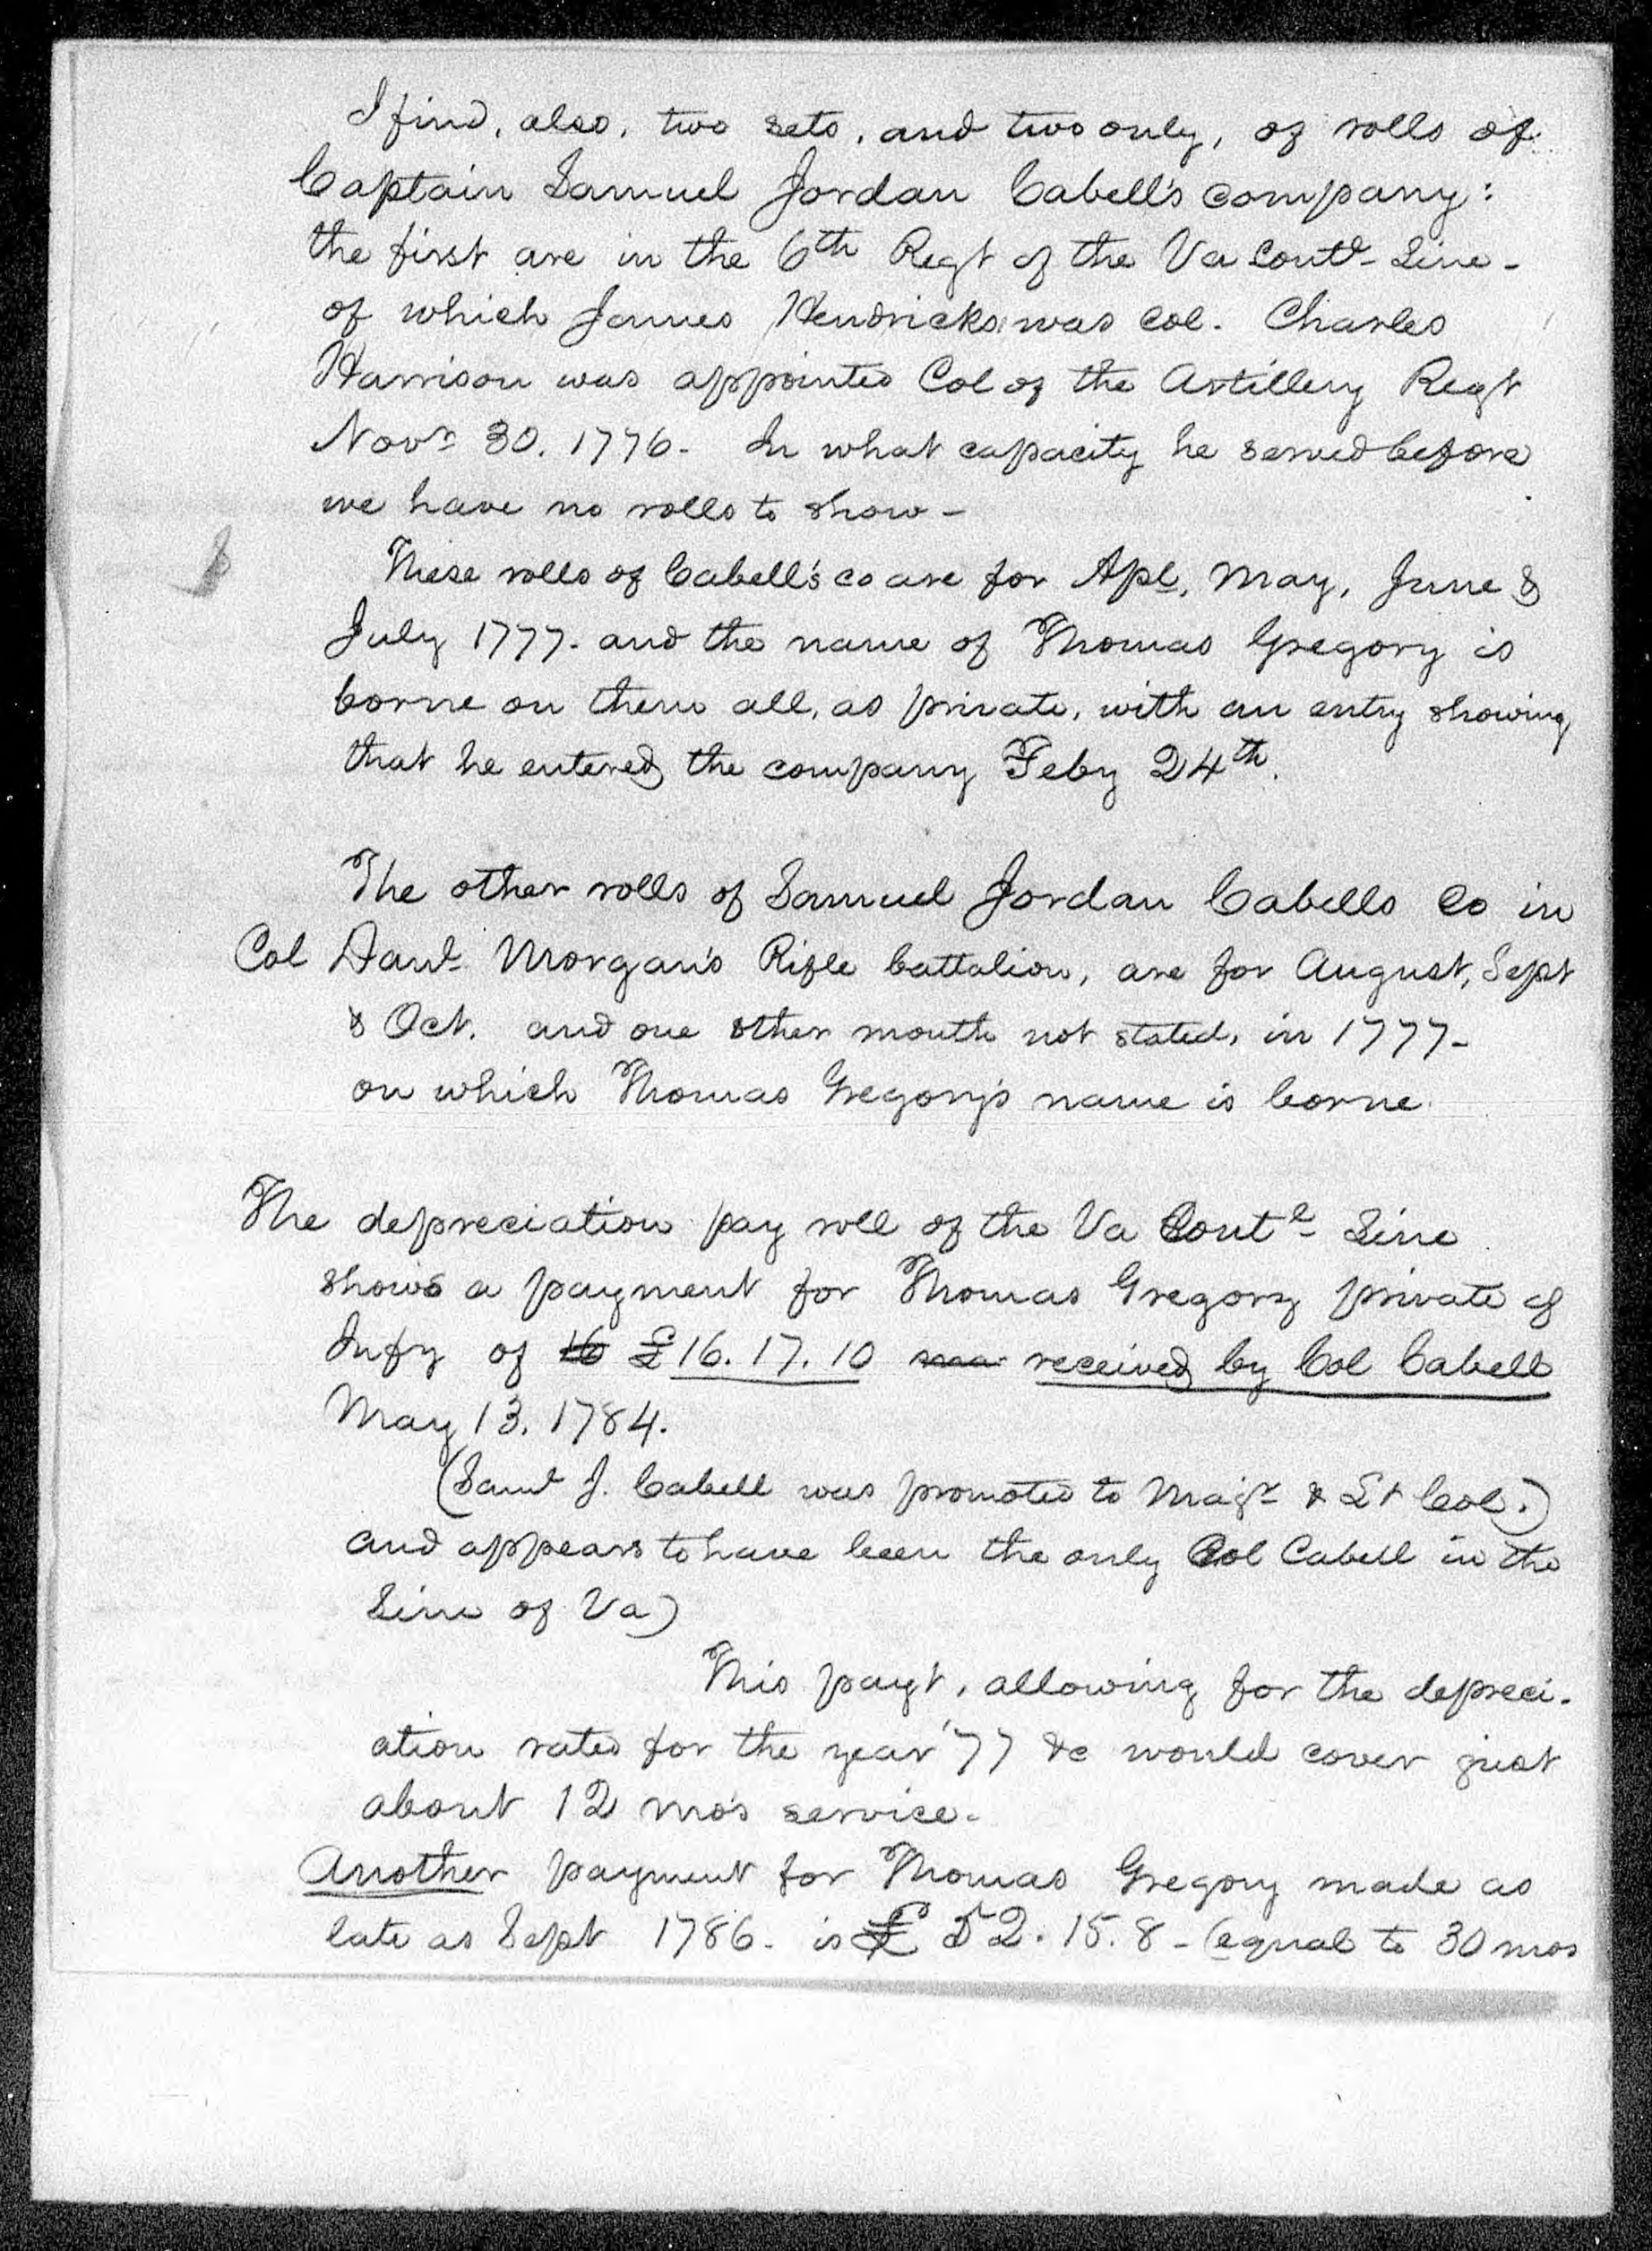I find, also, two sets, and two only, of rolls of captain Samuel Jordan Cabell's company: the first are in the 6th Regt of the Va Cont'l Line-of which James Hendricks was Col.  Charles Harrison was appointed Col of the Artillery Regt Nov'r 30, 1776. In what capacity he served before we have no rolls to know-

These rolls of Cabell's co are for Apl, May, June & July 1777, and the name of Thomas Gregory is borne on them all, as private, with an entry showing that he entered the company Feby 24th.

The other rolls of Samuel Jordan Cabells Co in Col Dan'l Morgan's Rifle battalion, are for August, Sept & Oct. and one other month not stated, in 1777-on which Thomas Gregory's name is borne.

The depreciation pay roll of the Va Cont'l Line shows a payment for Thomas Gregory private of Infy of [marked out: 16] £16.17.10 received by Col Cabell May 13, 1784.
(Saml J. Cabell was promoted to Maj'r & Sr Col.) and appears to have been the only Col Cabell in the Line of Va)

This pay't, allowing for the depreciation rates for the year '77 &c would cover just about 12 mo's service.  Another payment for Thomas Gregory made as late as Sept 1786 is £52.15.8 (equal to 30 mos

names: Charles Harrison, James Hendricks, Saml J Cabell, Thomas Gregory, Cabell, Thomas Gregory, Thomas Gregory, Cabell, Thomas Gregory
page: 24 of 75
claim: widow's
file: W. 8876, Thomas Gregory, Continental Va